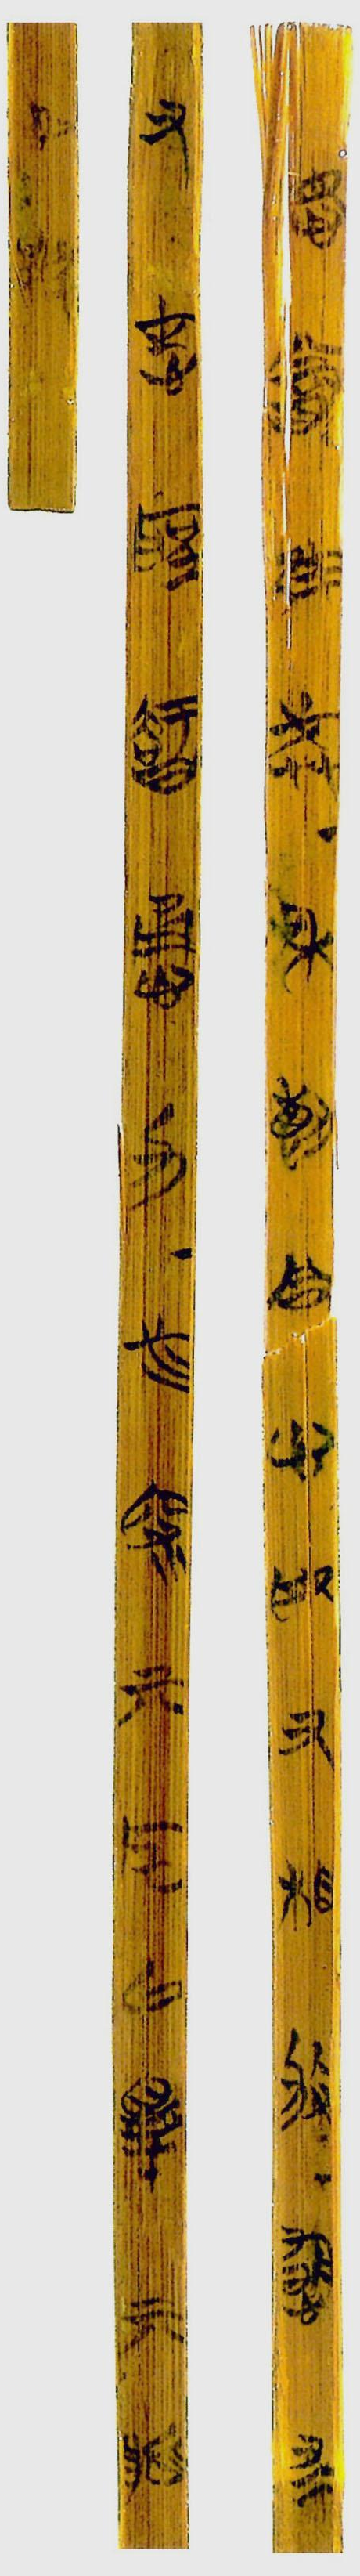悔（謀）猶隹戒和{叀刀}同心母又相{力攴}恂求又{才心}聖智恿力必罙亓厇㠯（以）{目辛}亓{爿頁}身與
